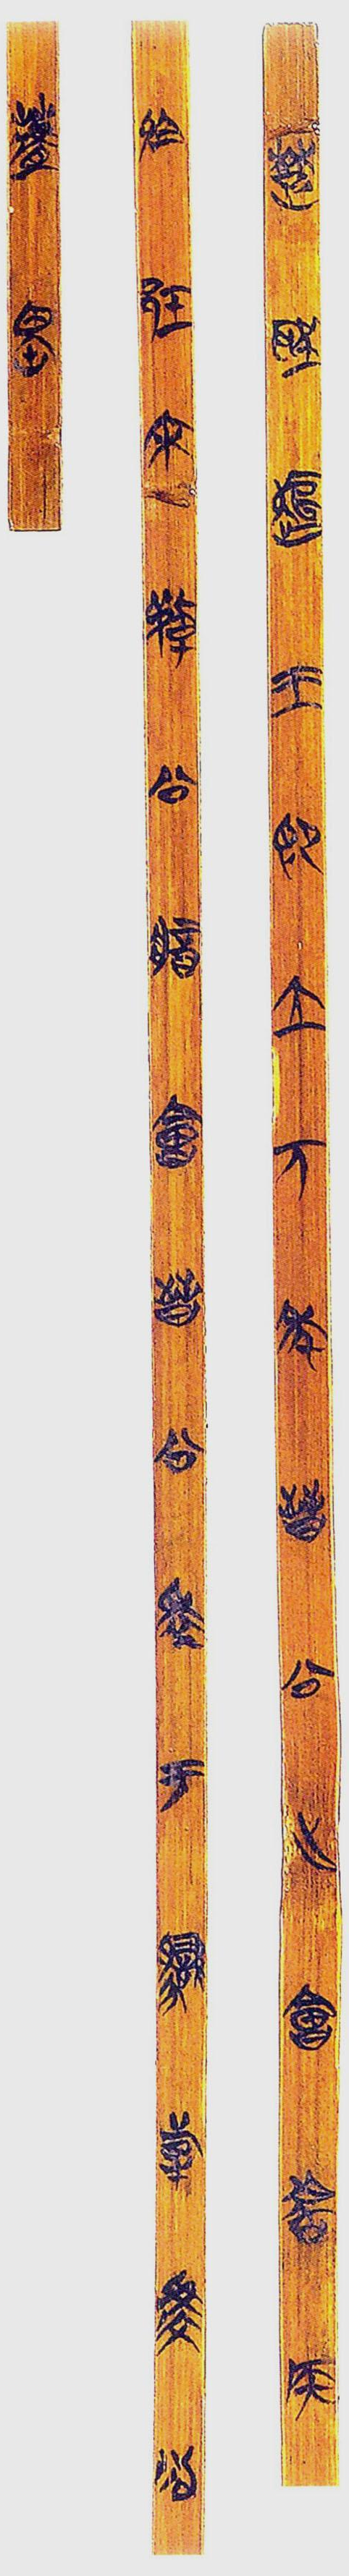楚聖𧻚王即立兀年晉公止會者侯於{壬阝}宋{歺卓}公𨟻會晉公卒B于{䌛犬}倝虔{少勺}蔖{鬼山}
